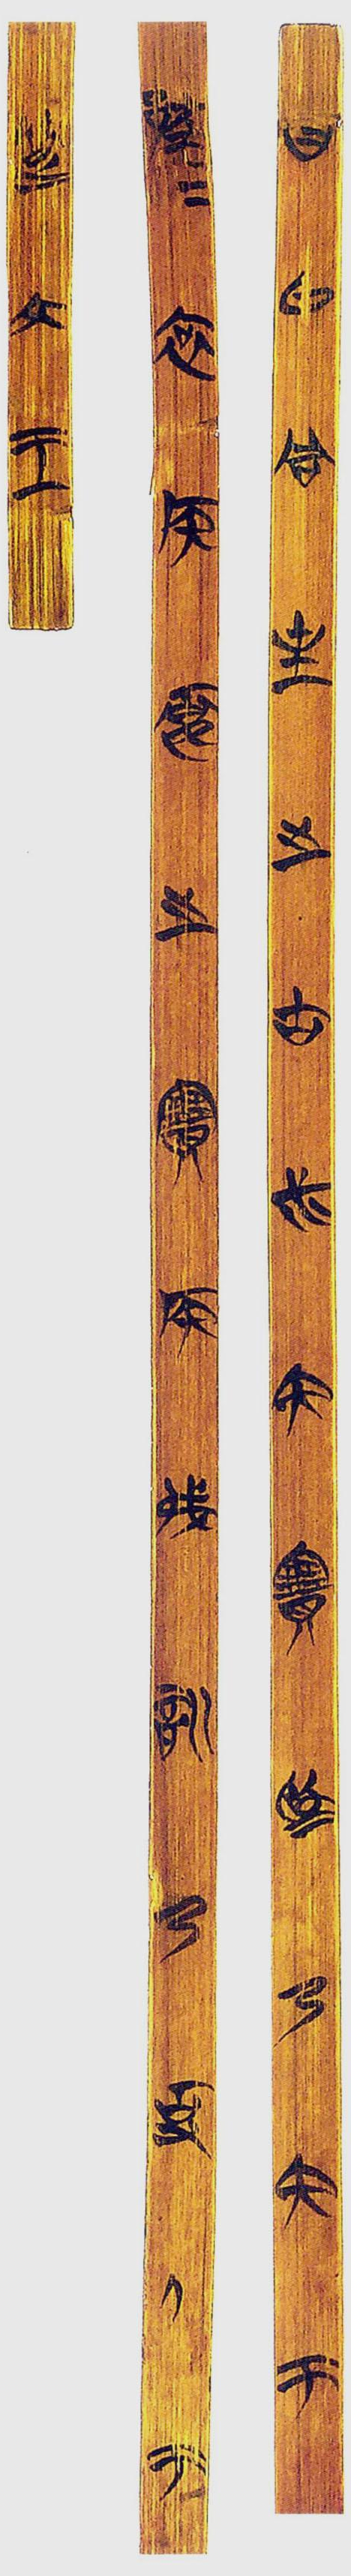曰㠯（以）同生之古必內賽爲乃內于○（蔡）哀侯妻之賽侯弗訓乃史人于楚文王
